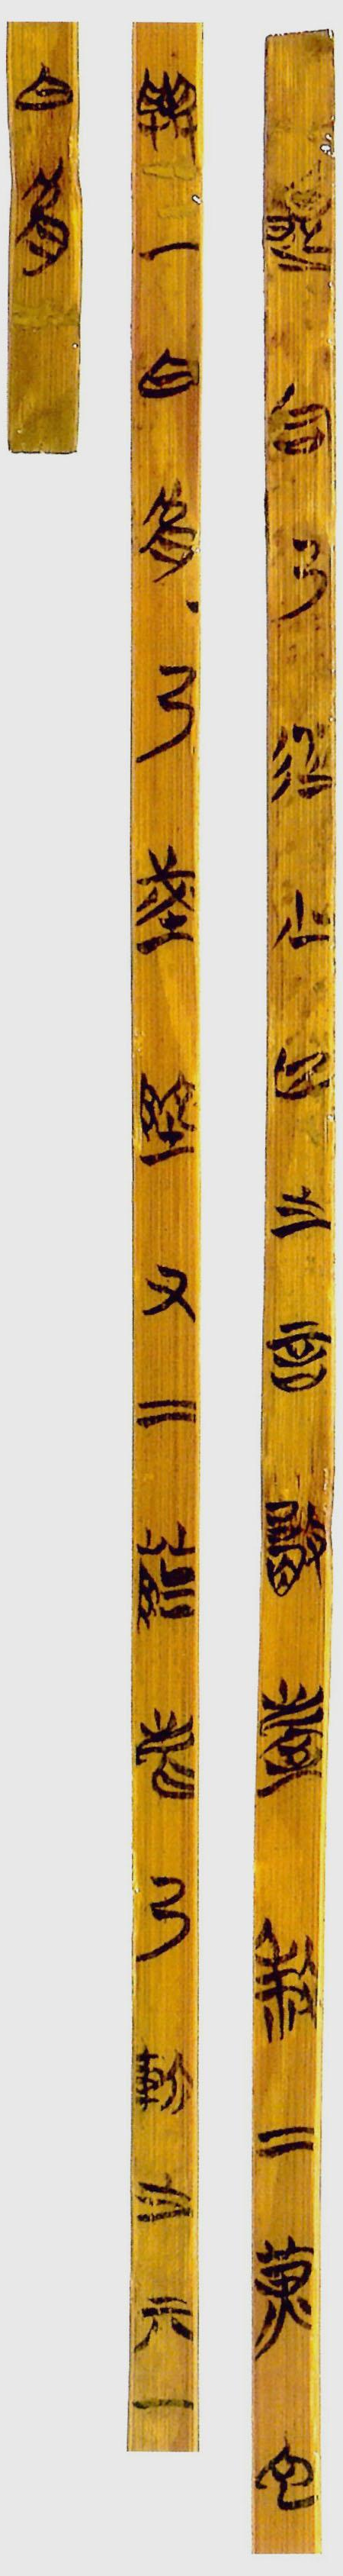{日止頁}（夏）句乃從少臣之言{呂𠀬攴}{鹿至}殺二黃它與一白兔乃{必土}地（地）又二{艹阝仌}（陵）○乃斬之亓一白兔
